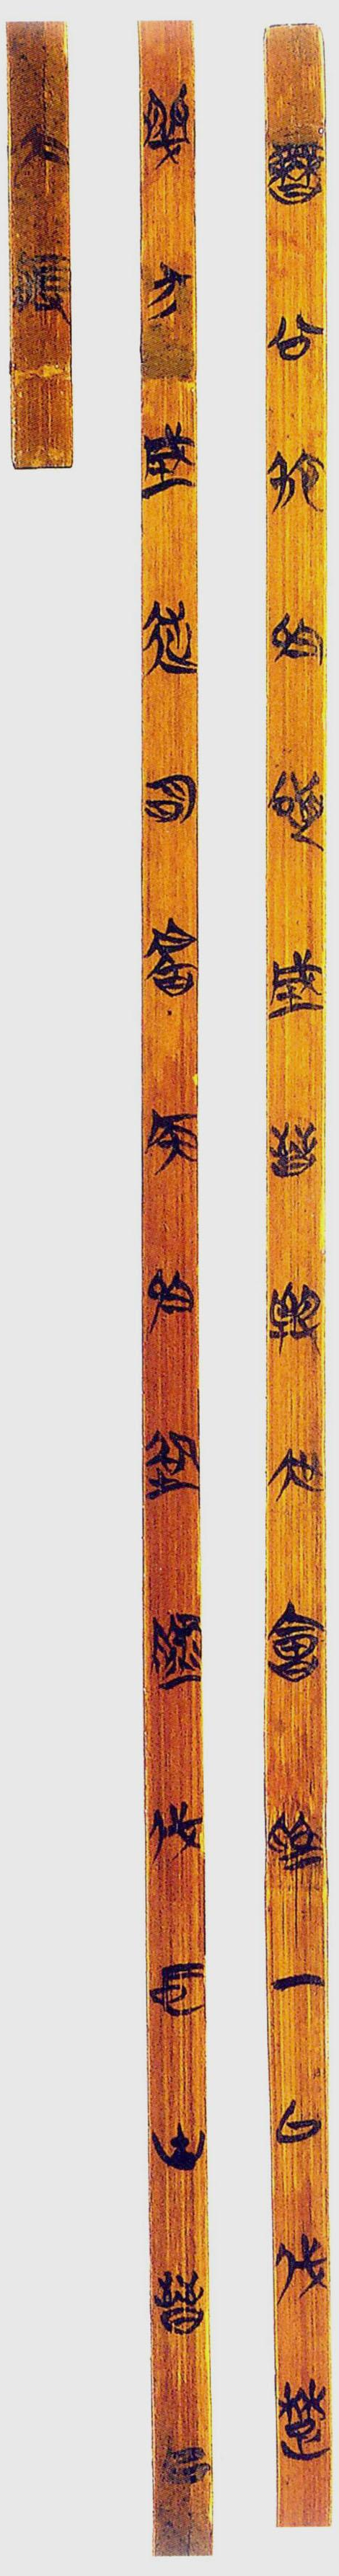{無日}公{力它}於頌城晉與吳會爲一㠯（以）伐楚{門戈}方城述明者侯於{召卩土}陵伐𠁩山晉𠂤大疫
